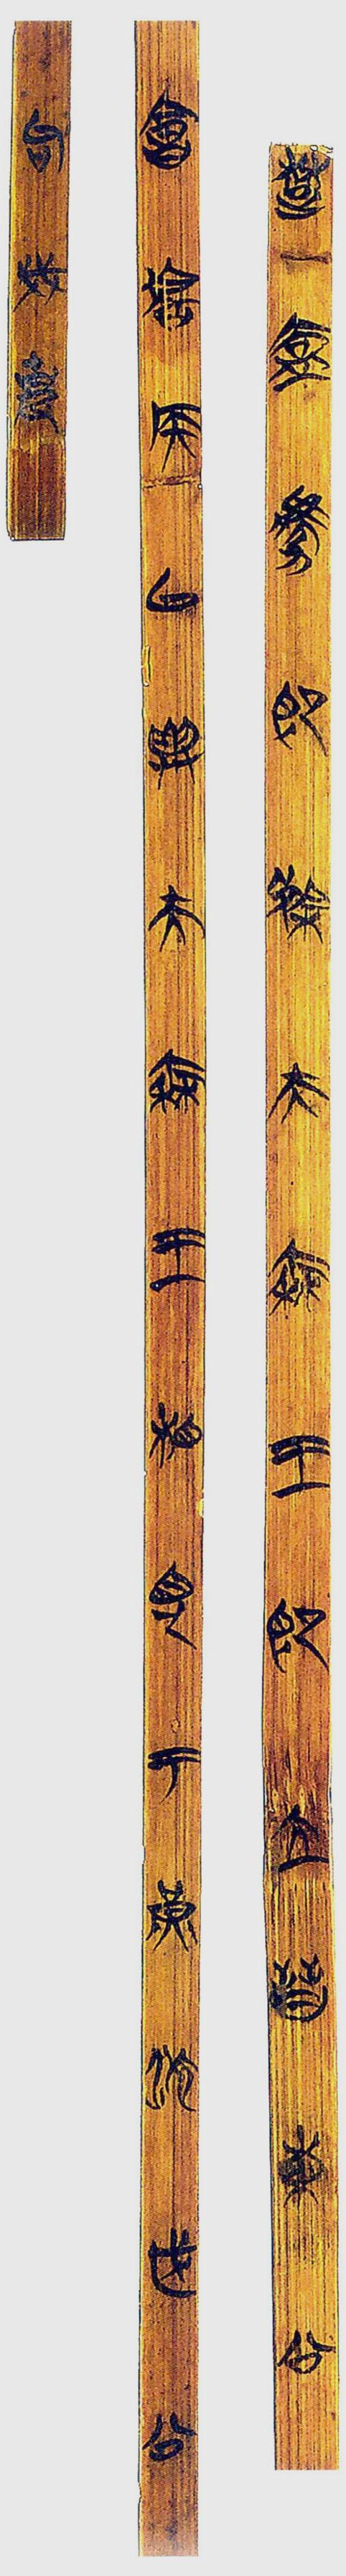楚盍{虎力}即殜夫秦王即立晉柬公會者侯㠯（以）與夫秦王相見于黃池戉公勾戔尅
